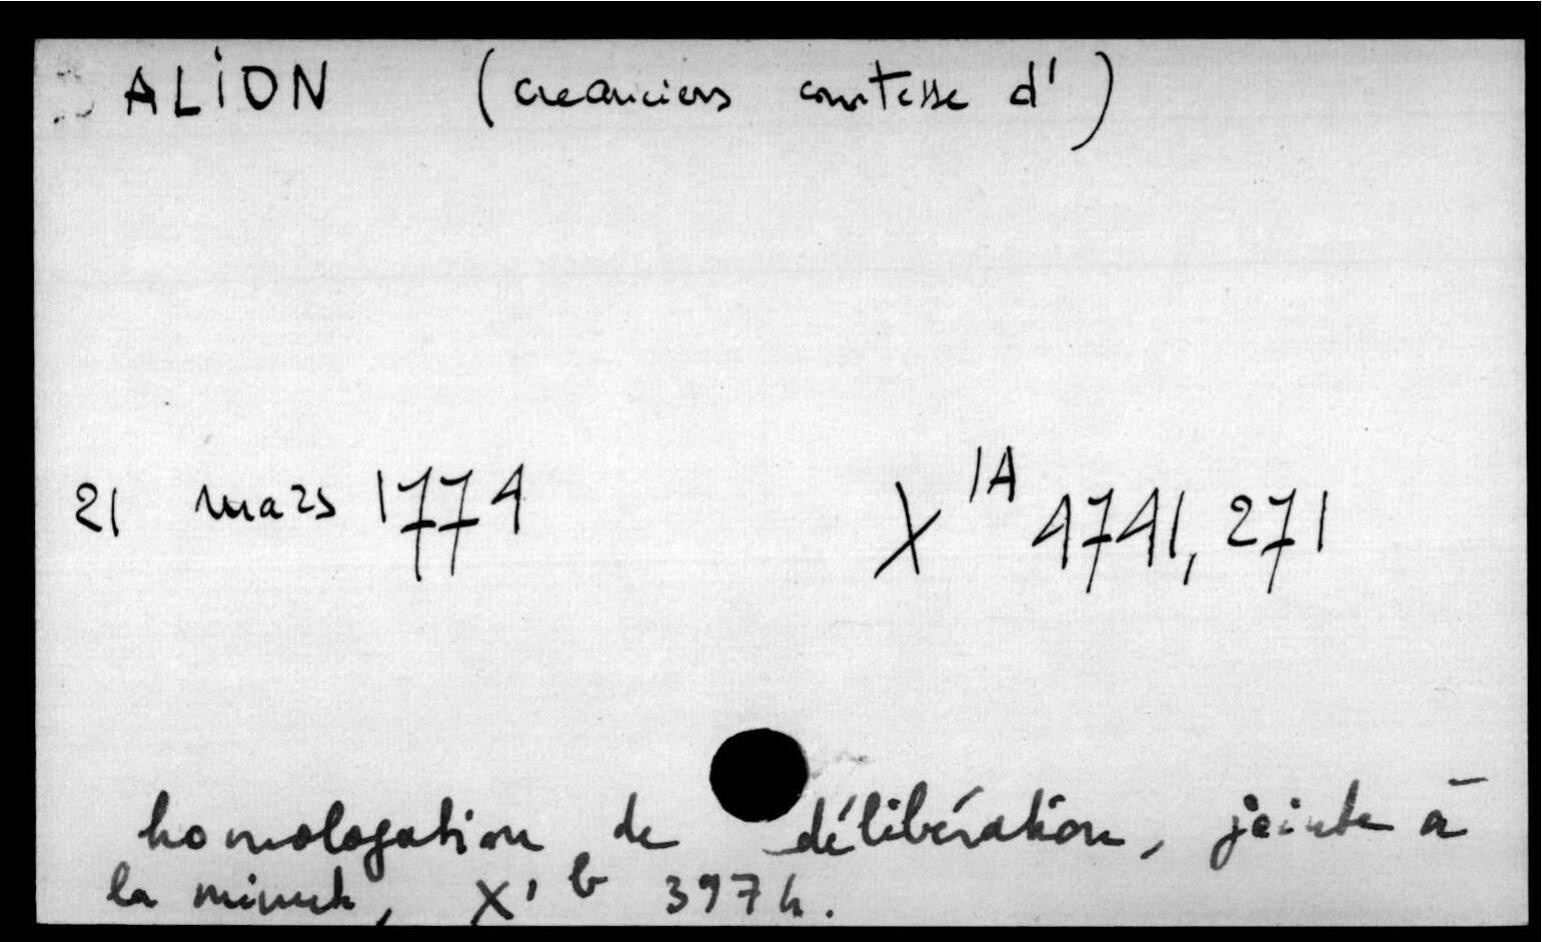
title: ALION (créanciers comtesse d')
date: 21 mars 1774
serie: X1A
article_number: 4741
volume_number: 271
